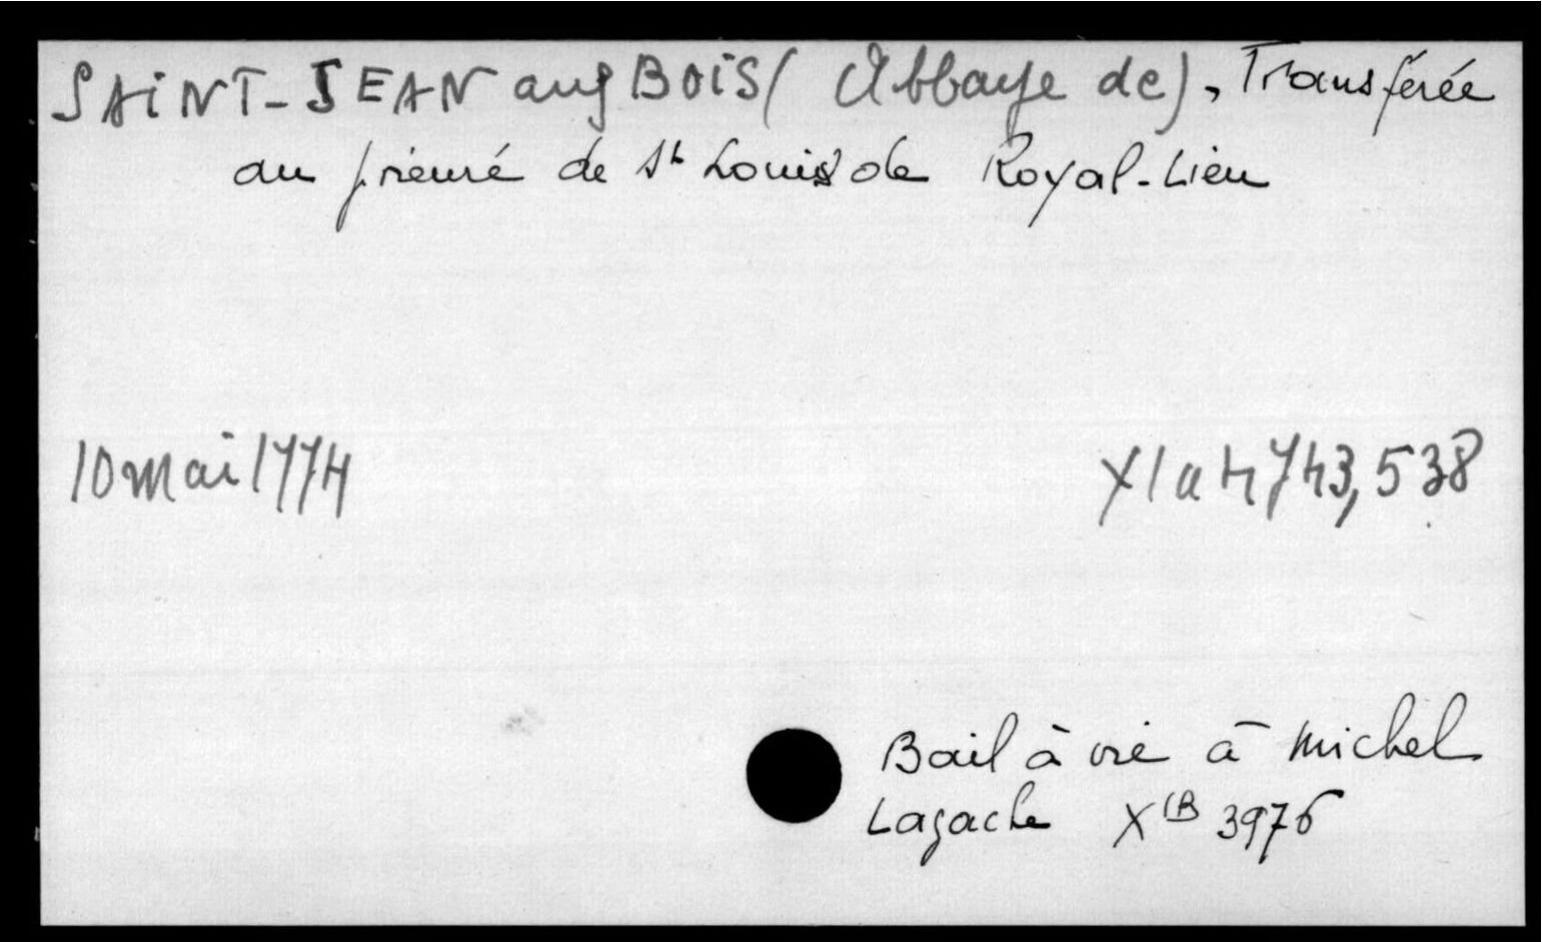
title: SAINT-JEAN AUX BOIS (Abbaye de), Transférée au prieuré de Saint-Louis de Royal-Lieu
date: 10 mai 1774
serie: X1a
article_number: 4743
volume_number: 538
